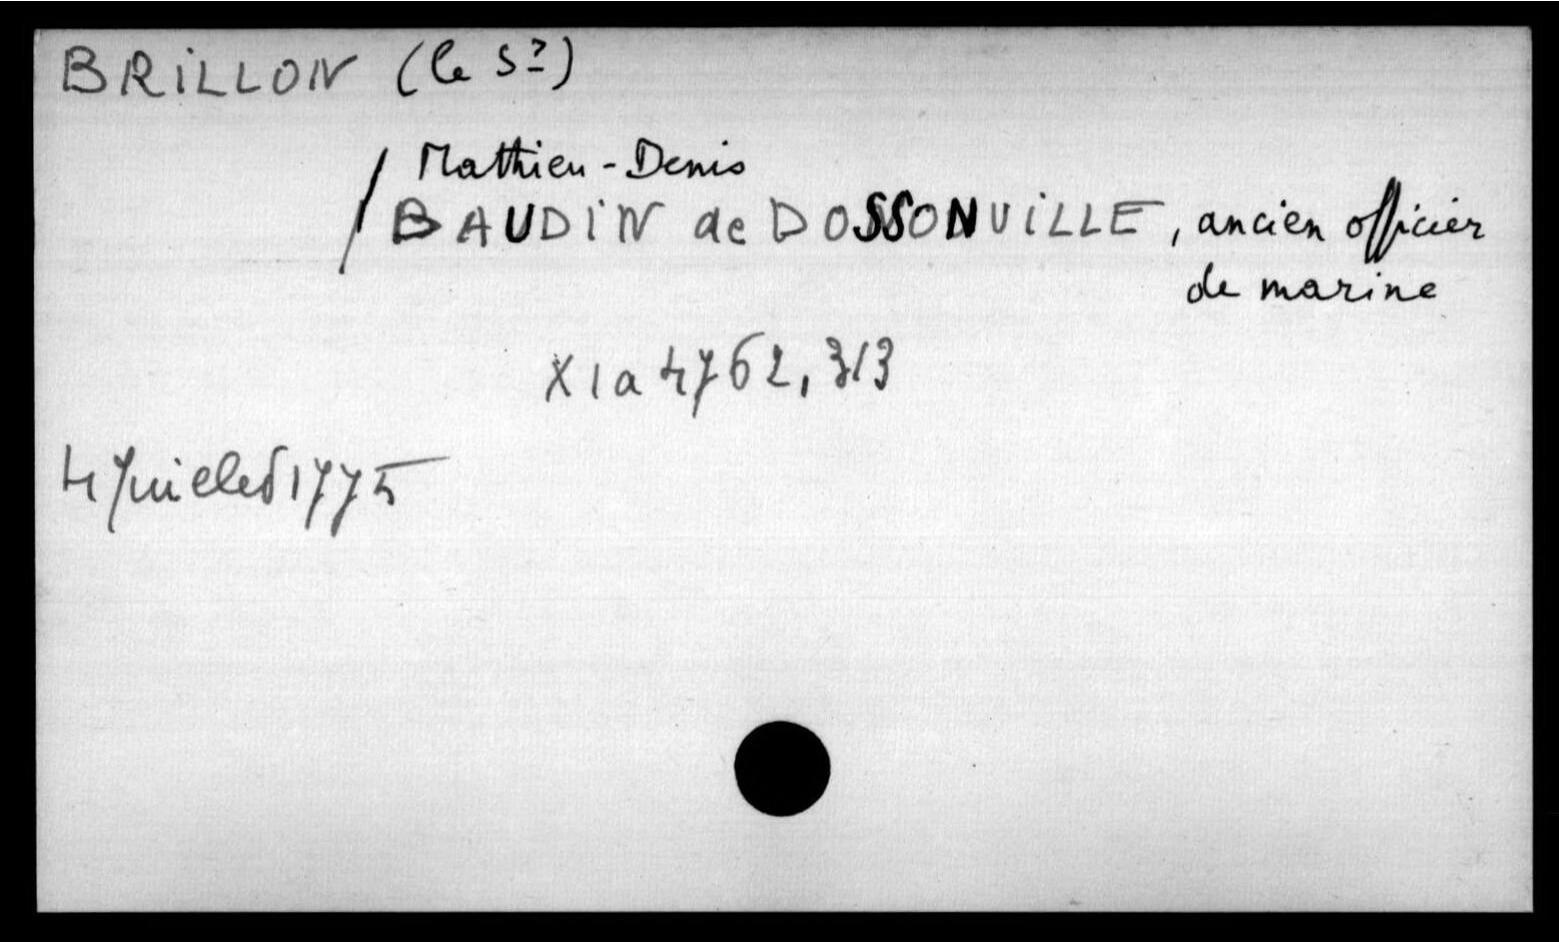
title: BRILLON (le sieur)
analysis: Contre Mathieu-Denis Baudin de Dossonville, ancien officier de marine
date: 4 juillet 1775
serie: X1a
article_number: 4762
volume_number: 313
